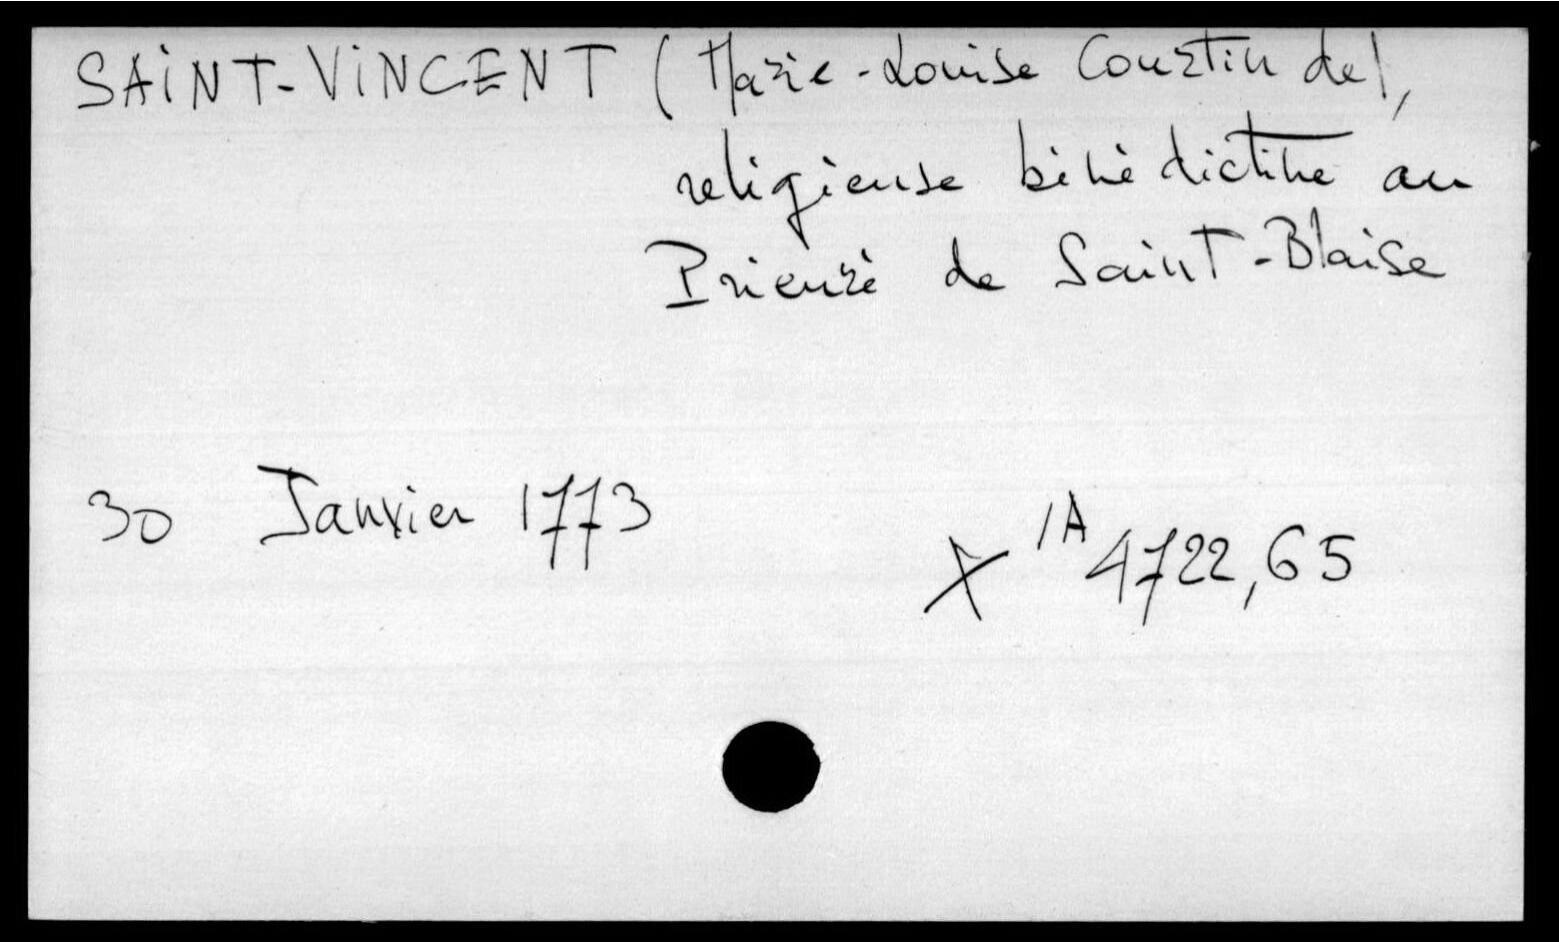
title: SAINT-VINCENT (Marie-Louise Courtin de), religieuse bénédictine au Prieuré de Saint-Blaise
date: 30 janvier 1773
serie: X1A
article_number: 4722
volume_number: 65
